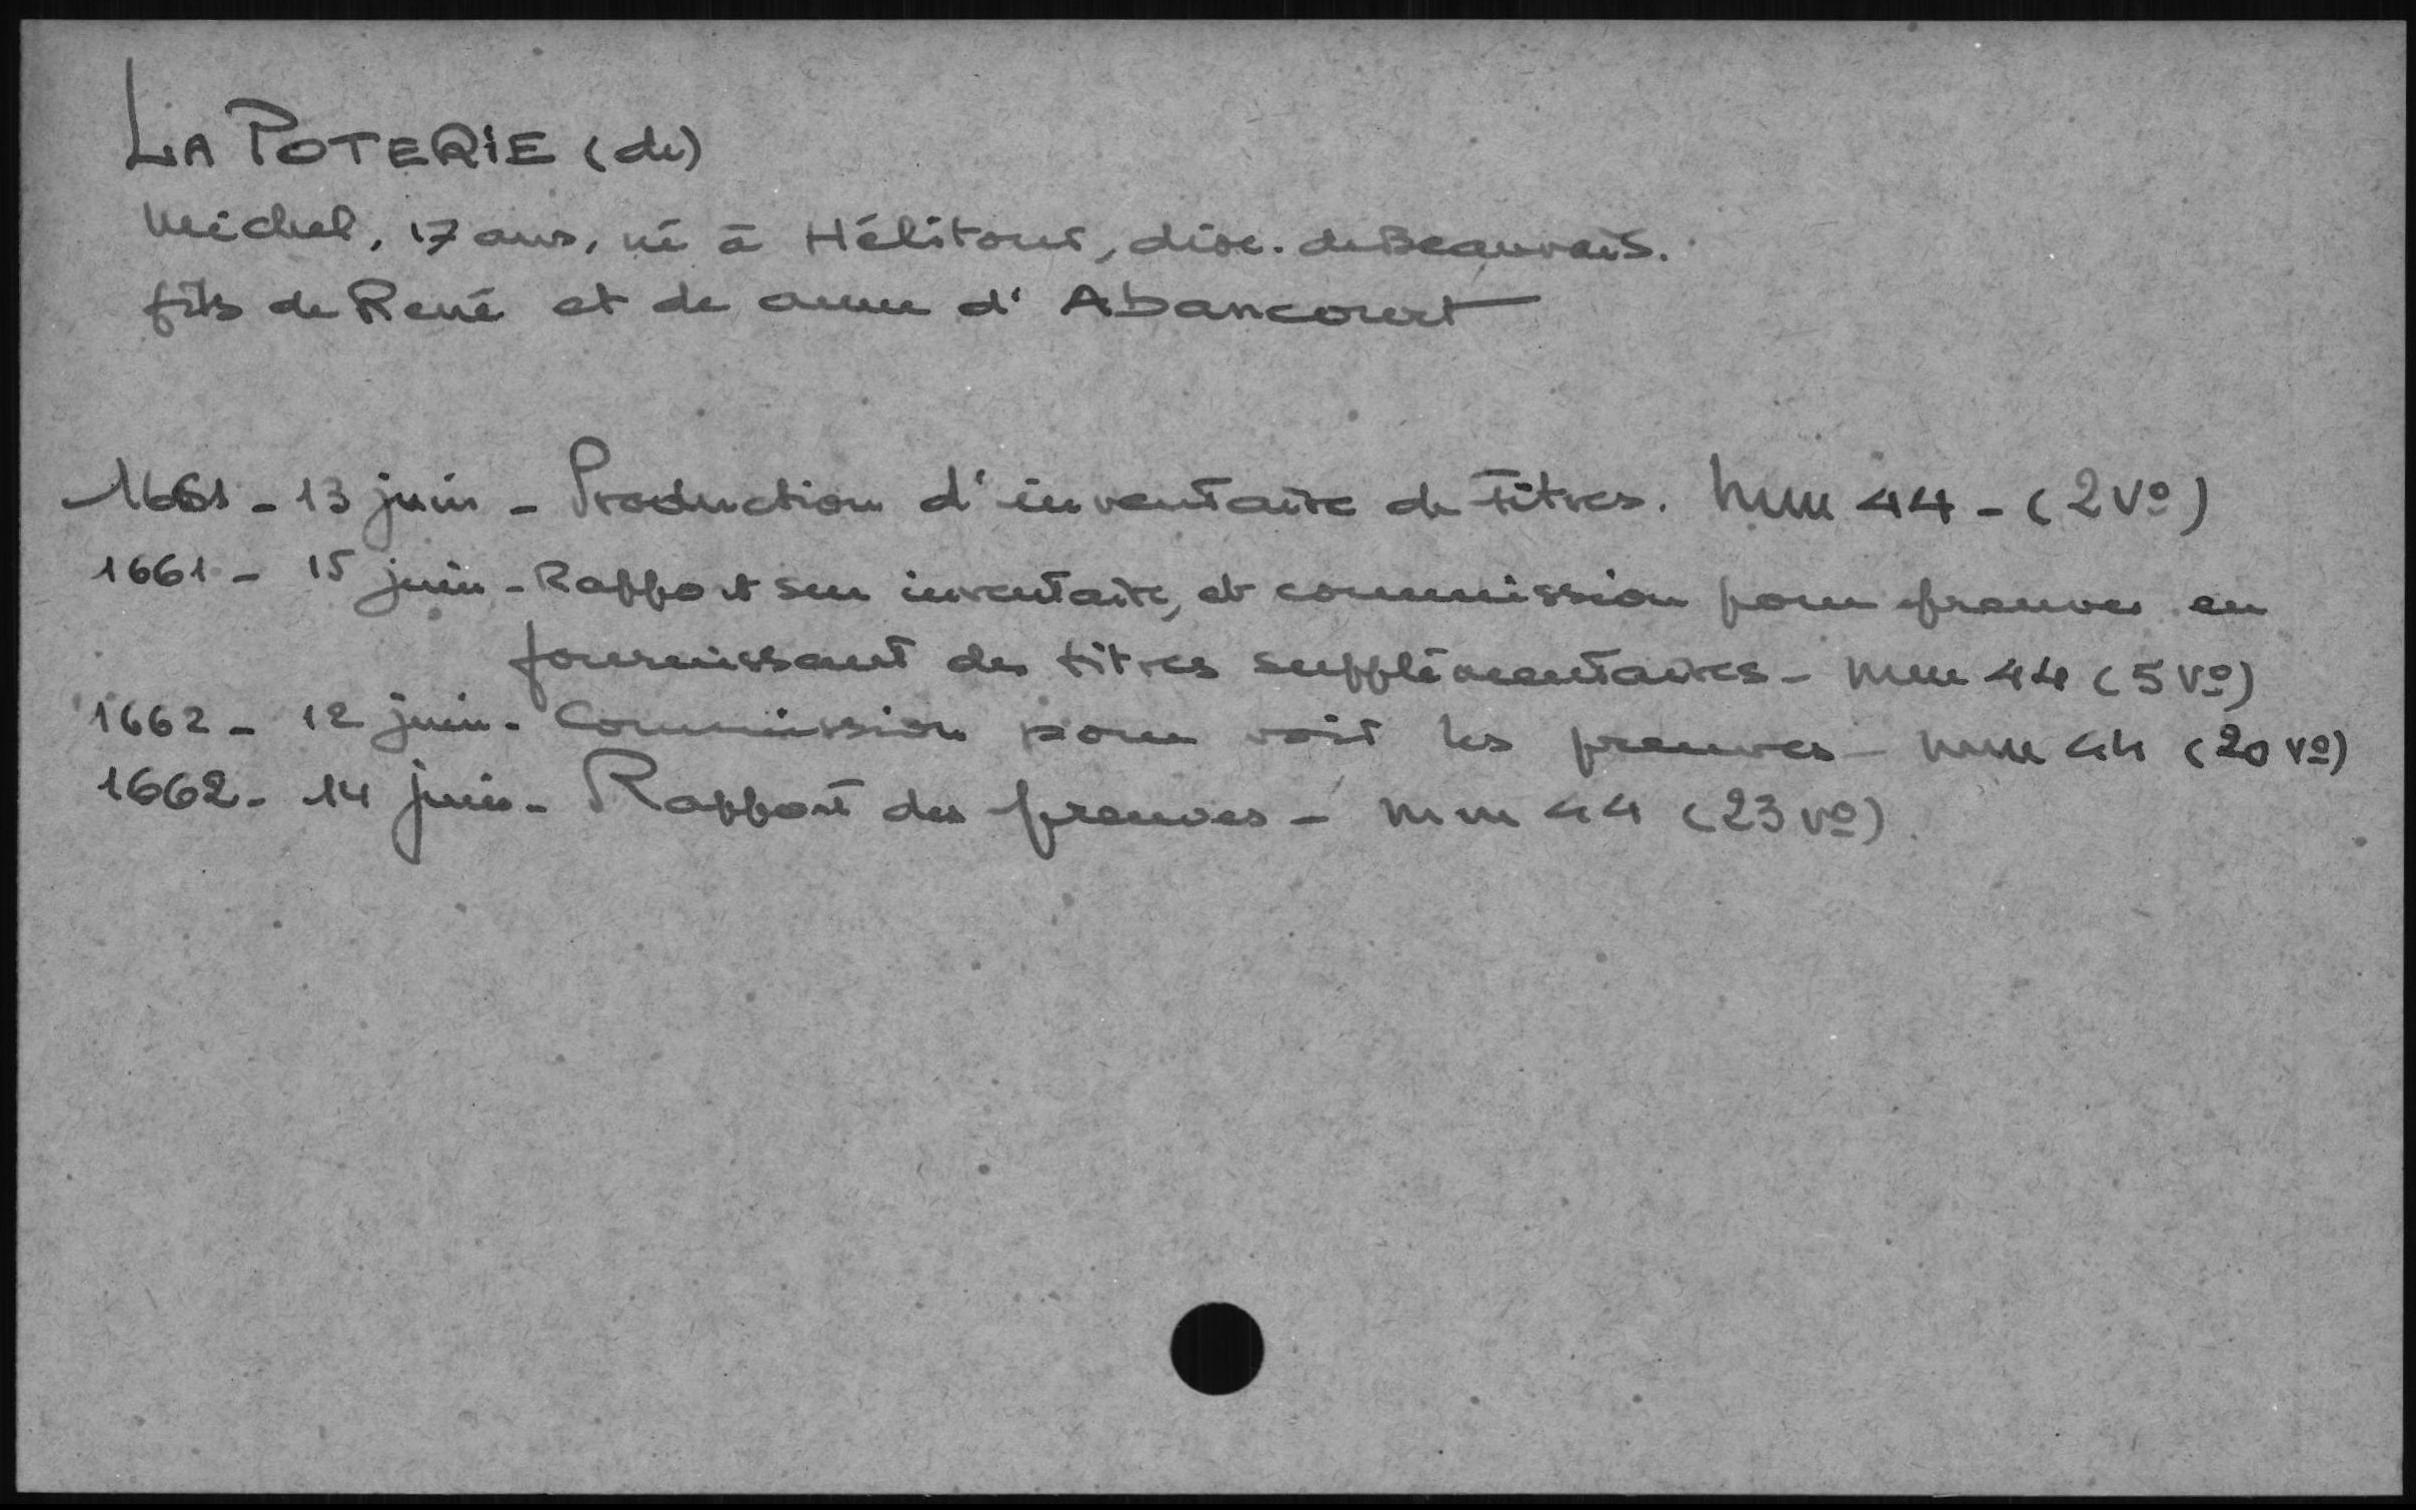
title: LA POTERIE (de) Michel, 17 ans, né à Hélitour, diocèse de Beauvais fils de René et de Anne d'Abancourt
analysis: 1661, 13 juin. Production d'inventaire de titres. MM 44 (2v) 1661, 15 juin. Rapport sur inventaire, et commission pour preuves en fournissant des titres supplémentaires. MM 44 (5v) 1662, 12 juin. Commission pour voir les preuves. MM 44 (20v) 1662, 14 juin. Rapport des preuves. MM 44 (23v)
